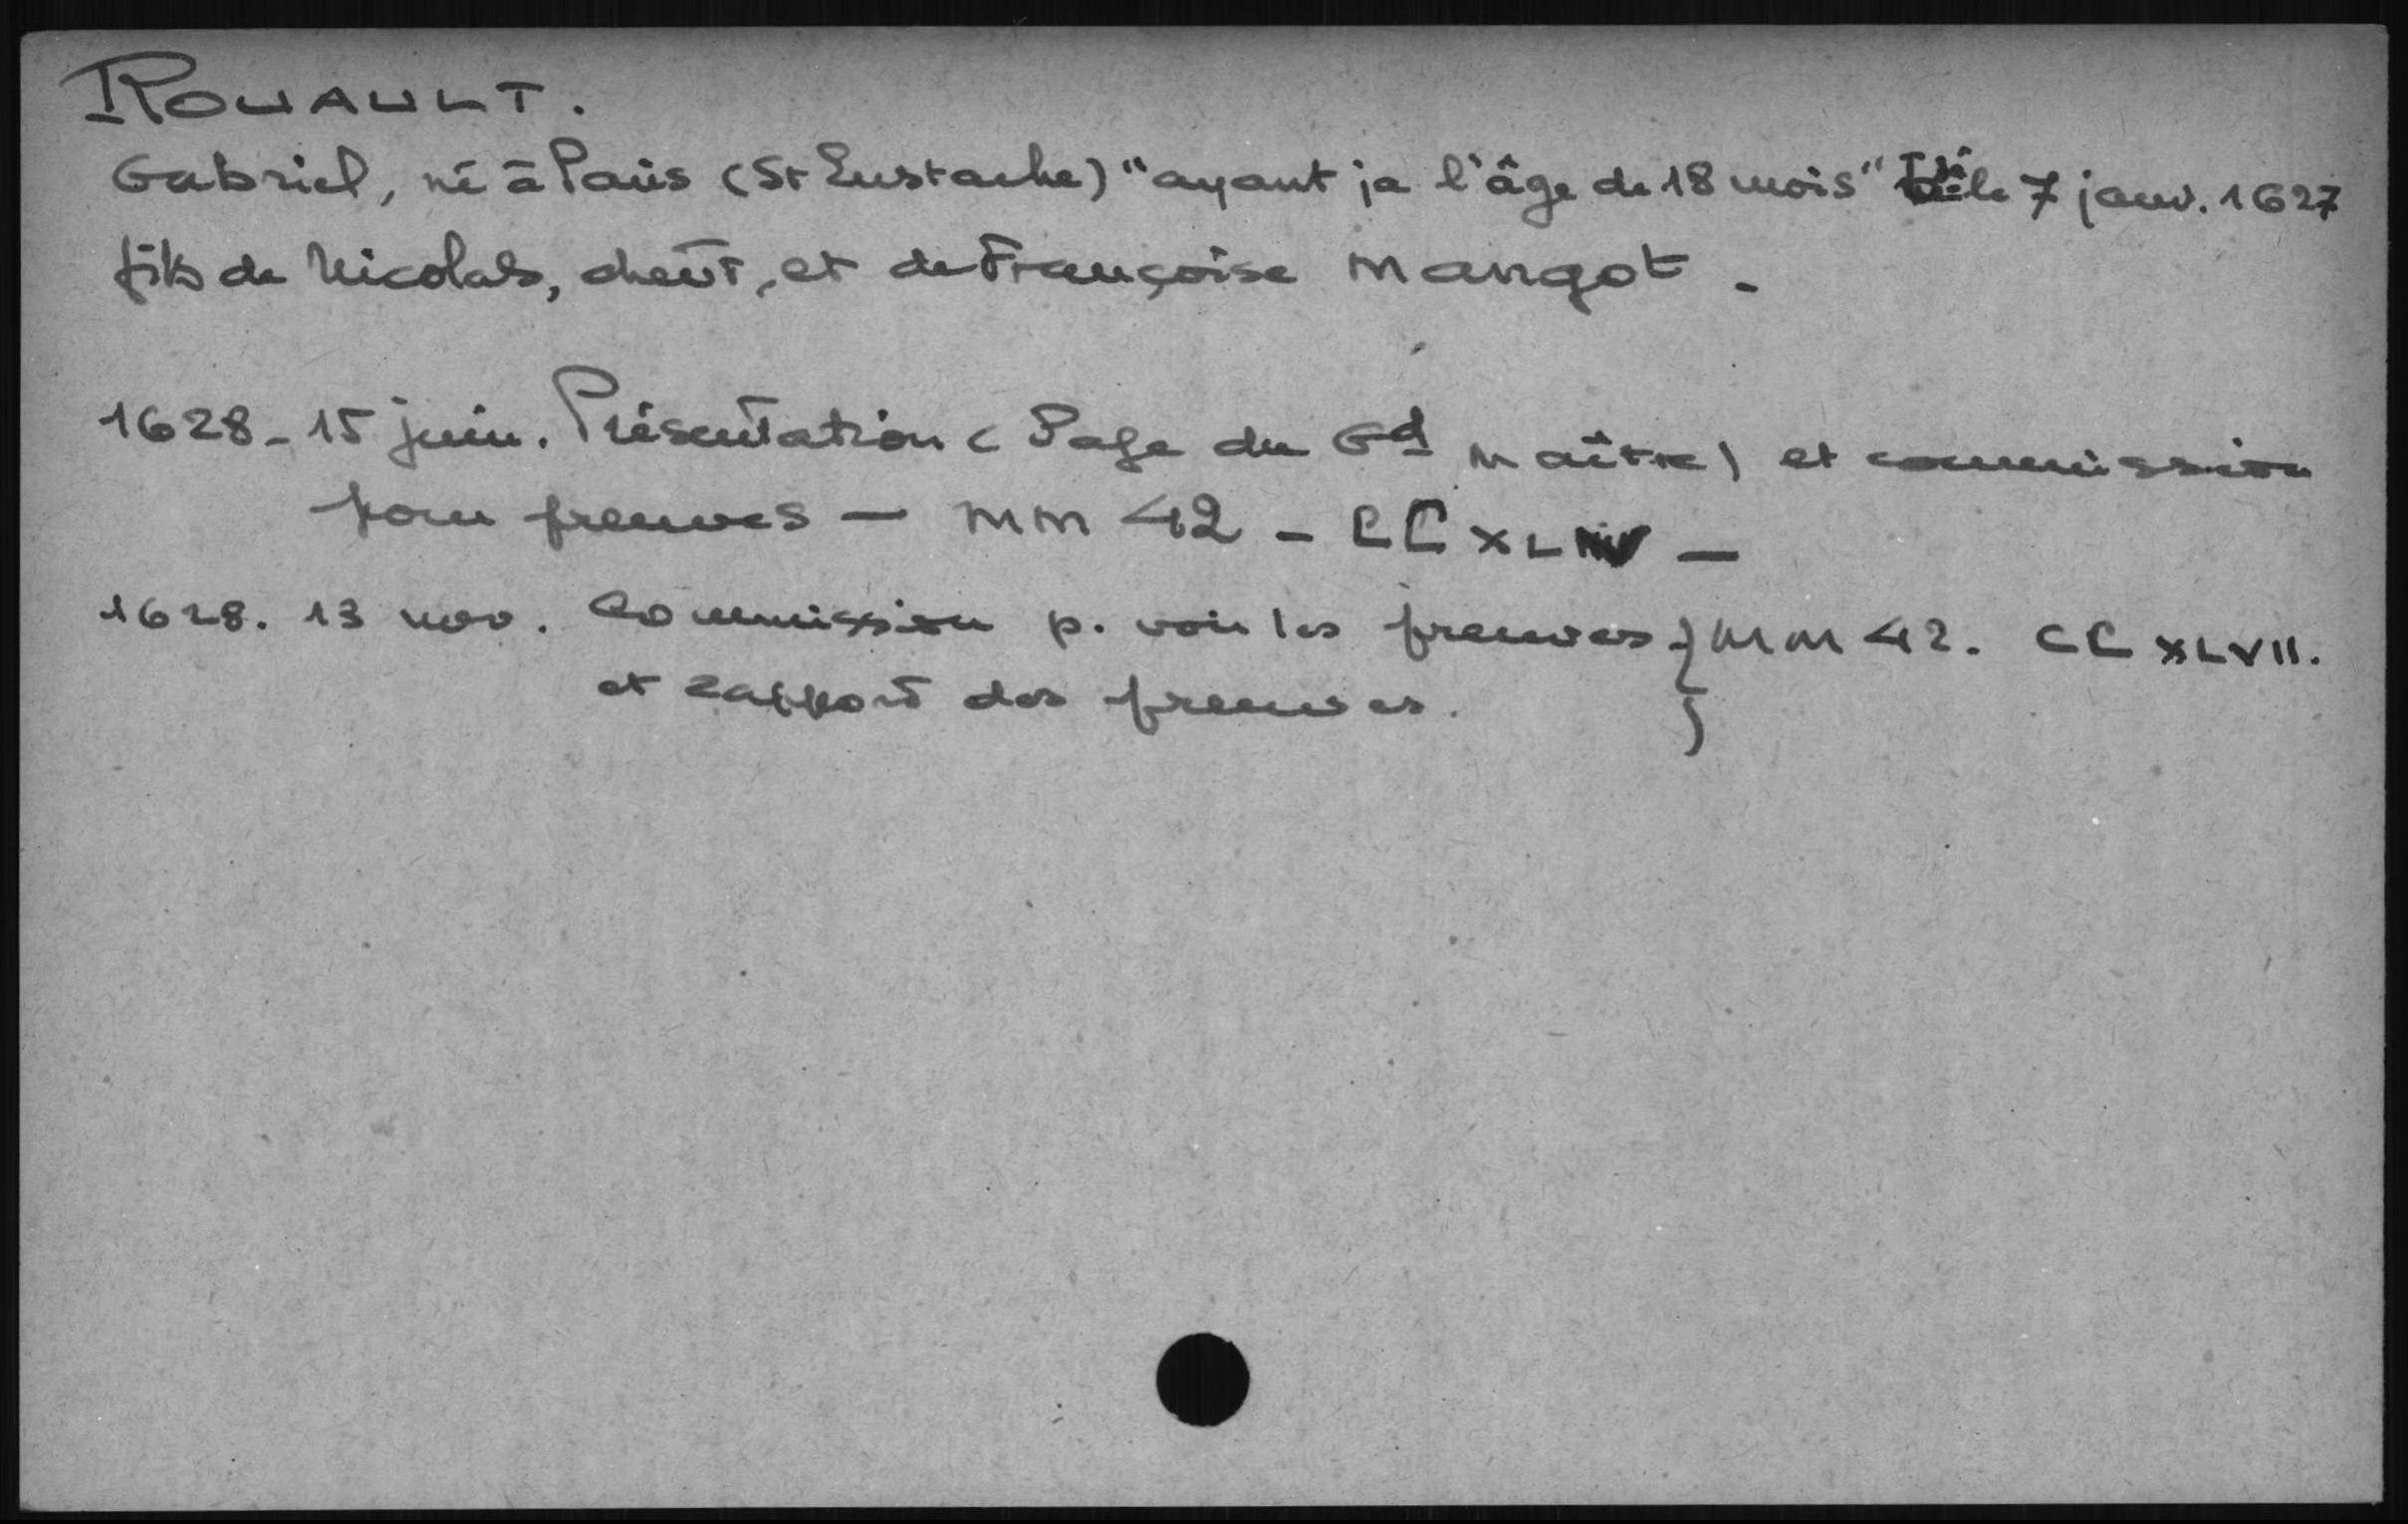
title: ROUAULT, Gabriel, né à Paris (Saint Eustache) "ayant ja l'âge de 18 mois" baptisé le 7 janvier 1627 fils de Nicolas, chevalier, et de Françoise Mangot
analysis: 1628, 15 juin. Présentation (Page du Grand Maître) et commission pour preuves. MM 42, CCXLV. 1628, 13 novembre Commission pour voir les preuves et rapport des preuves. MM 42, CCXLVII.
